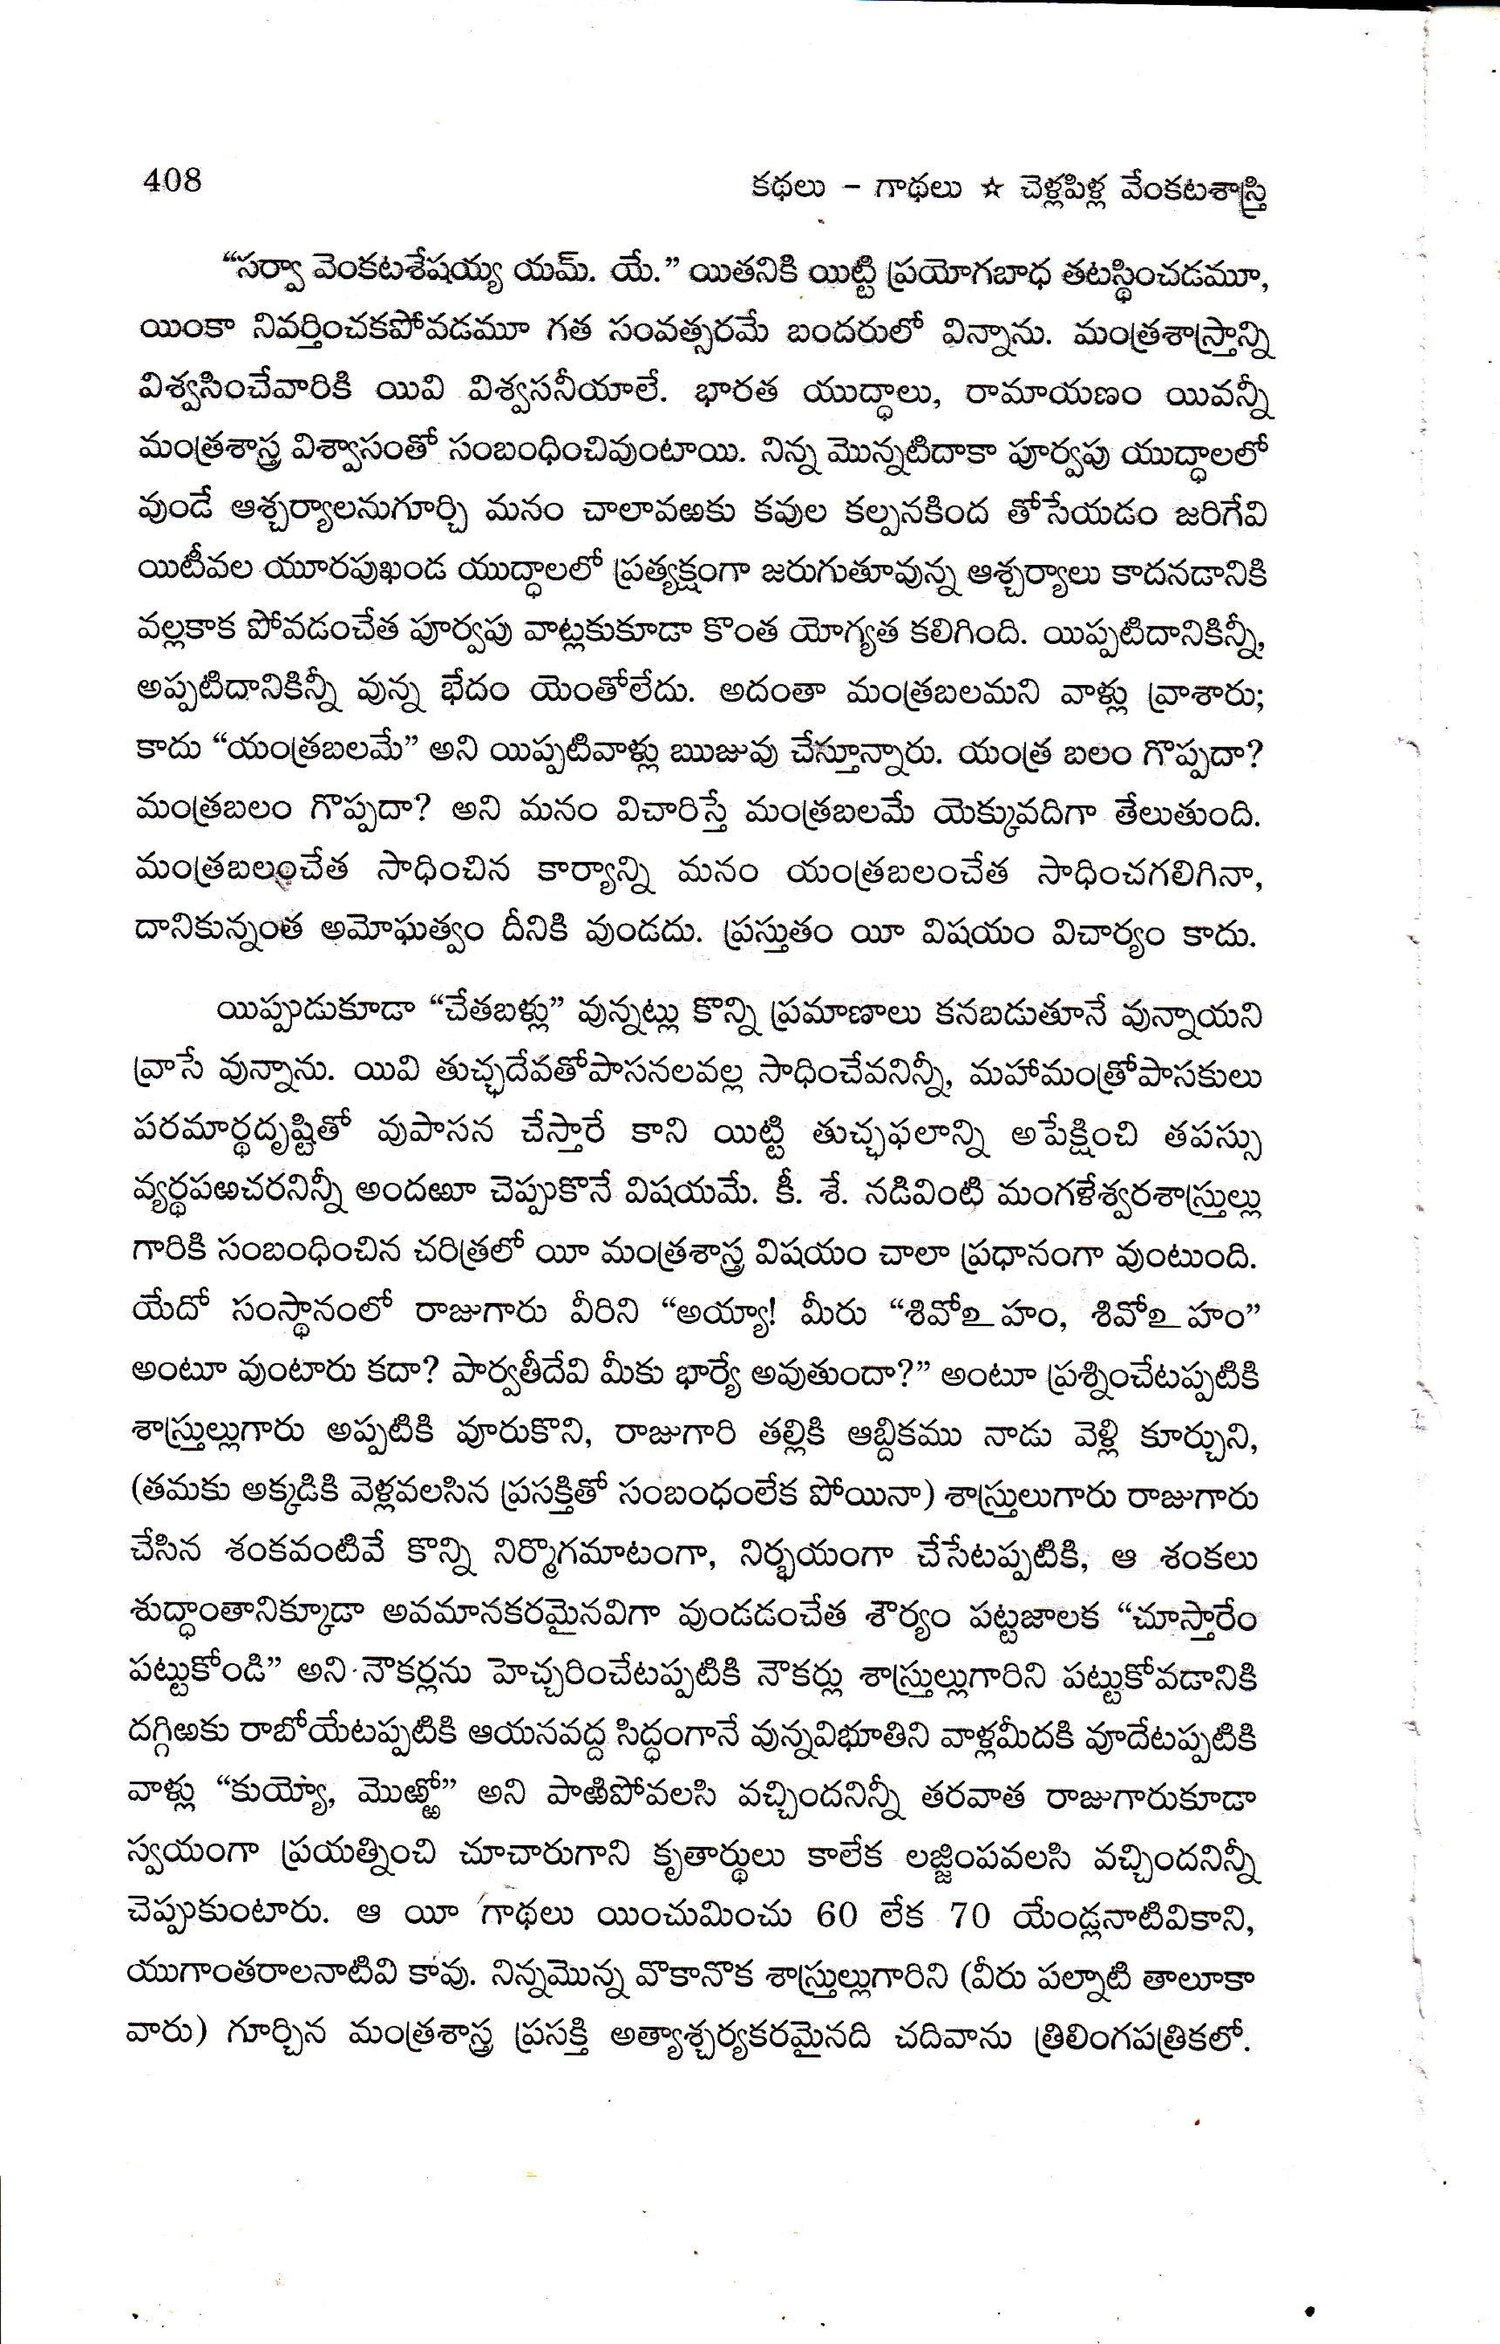“సర్వా వెంకటశేషయ్య యమ్. యే." యితనికి యిట్టి ప్రయోగబాధ తటస్థించడమూ, యింకా నివర్తించకపోవడమూ గత సంవత్సరమే బందరులో విన్నాను. మంత్రశాస్త్రాన్ని విశ్వసించేవారికి యివి విశ్వసనీయాలే. భారత యుద్ధాలు, రామాయణం యివన్నీ మంత్రశాస్త్ర విశ్వాసంతో సంబంధించివుంటాయి. నిన్న మొన్నటిదాకా పూర్వపు యుద్ధాలలో వుండే ఆశ్చర్యాలనుగూర్చి మనం చాలావఱకు కవుల కల్పనకింద తోసేయడం జరిగేవి యిటీవల యూరపుఖండ యుద్ధాలలో ప్రత్యక్షంగా జరుగుతూవున్న ఆశ్చర్యాలు కాదనడానికి వల్లకాక పోవడంచేత పూర్వపు వాట్లకుకూడా కొంత యోగ్యత కలిగింది. యిప్పటిదానికిన్నీ అప్పటిదానికిన్నీ వున్న భేదం యెంతోలేదు. అదంతా మంత్రబలమని వాళ్లు వ్రాశారు; కాదు "యంత్రబలమే" అని యిప్పటివాళ్లు ఋజువు చేస్తూన్నారు. యంత్ర బలం గొప్పదా? మంత్రబలం గొప్పదా? అని మనం విచారిస్తే మంత్రబలమే యెక్కువదిగా తేలుతుంది. మంత్రబలంచేత సాధించిన కార్యాన్ని మనం యంత్రబలంచేత సాధించగలిగినా, దానికున్నంత అమోఘత్వం దీనికి వుండదు. ప్రస్తుతం యీ విషయం విచార్యం కాదు.

యిప్పుడుకూడా "చేతబళ్లు" వున్నట్లు కొన్ని ప్రమాణాలు కనబడుతూనే వున్నాయని వ్రాసే వున్నాను. యివి తుచ్ఛదేవతోపాసనలవల్ల సాధించేవనిన్నీ మహామంత్రోపాసకులు పరమార్థదృష్టితో వుపాసన చేస్తారే కాని యిట్టి తుచ్ఛఫలాన్ని అపేక్షించి తపస్సు వ్యర్థపఱచరనిన్నీ అందఱూ చెప్పుకొనే విషయమే. కీ.శే. నడివింటి మంగళేశ్వరశాస్త్రుల్లు గారికి సంబంధించిన చరిత్రలో యీ మంత్రశాస్త్ర విషయం చాలా ప్రధానంగా వుంటుంది. యేదో సంస్థానంలో రాజుగారు వీరిని "అయ్యా! మీరు "శివో౽హం, శివో౽హం” అంటూ వుంటారు కదా? పార్వతీదేవి మీకు భార్యే అవుతుందా?” అంటూ ప్రశ్నించేటప్పటికి శాస్త్రుల్లుగారు అప్పటికి వూరుకొని, రాజుగారి తల్లికి ఆబ్దికము నాడు వెళ్లి కూర్చుని, (తమకు అక్కడికి వెళ్లవలసిన ప్రసక్తితో సంబంధంలేక పోయినా) శాస్త్రులుగారు రాజుగారు చేసిన శంకవంటివే కొన్ని నిర్మొగమాటంగా, నిర్భయంగా చేసేటప్పటికి, ఆ శంకలు శుద్ధాంతానిక్కూడా అవమానకరమైనవిగా వుండడంచేత శౌర్యం పట్టజాలక “చూస్తారేం పట్టుకోండి" అని నౌకర్లను హెచ్చరించేటప్పటికి నౌకర్లు శాస్త్రుల్లుగారిని పట్టుకోవడానికి దగ్గిఱకు రాబోయేటప్పటికి ఆయనవద్ద సిద్ధంగానే వున్నవిభూతిని వాళ్లమీదకి వూదేటప్పటికి వాళ్లు “కుయ్యో, మొఱ్ఱో" అని పాఱిపోవలసి వచ్చిందనిన్నీ తరవాత రాజుగారుకూడా స్వయంగా ప్రయత్నించి చూచారుగాని కృతార్థులు కాలేక లజ్జింపవలసి వచ్చిందనిన్నీ చెప్పుకుంటారు. ఆ యీ గాథలు యించుమించు 60 లేక 70 యేండ్లనాటివికాని, యుగాంతరాలనాటివి కావు. నిన్నమొన్న వొకానొక శాస్త్రుల్లుగారిని (వీరు పల్నాటి తాలూకా వారు) గూర్చిన మంత్రశాస్త్ర ప్రసక్తి అత్యాశ్చర్యకరమైనది చదివాను త్రిలింగపత్రికలో,